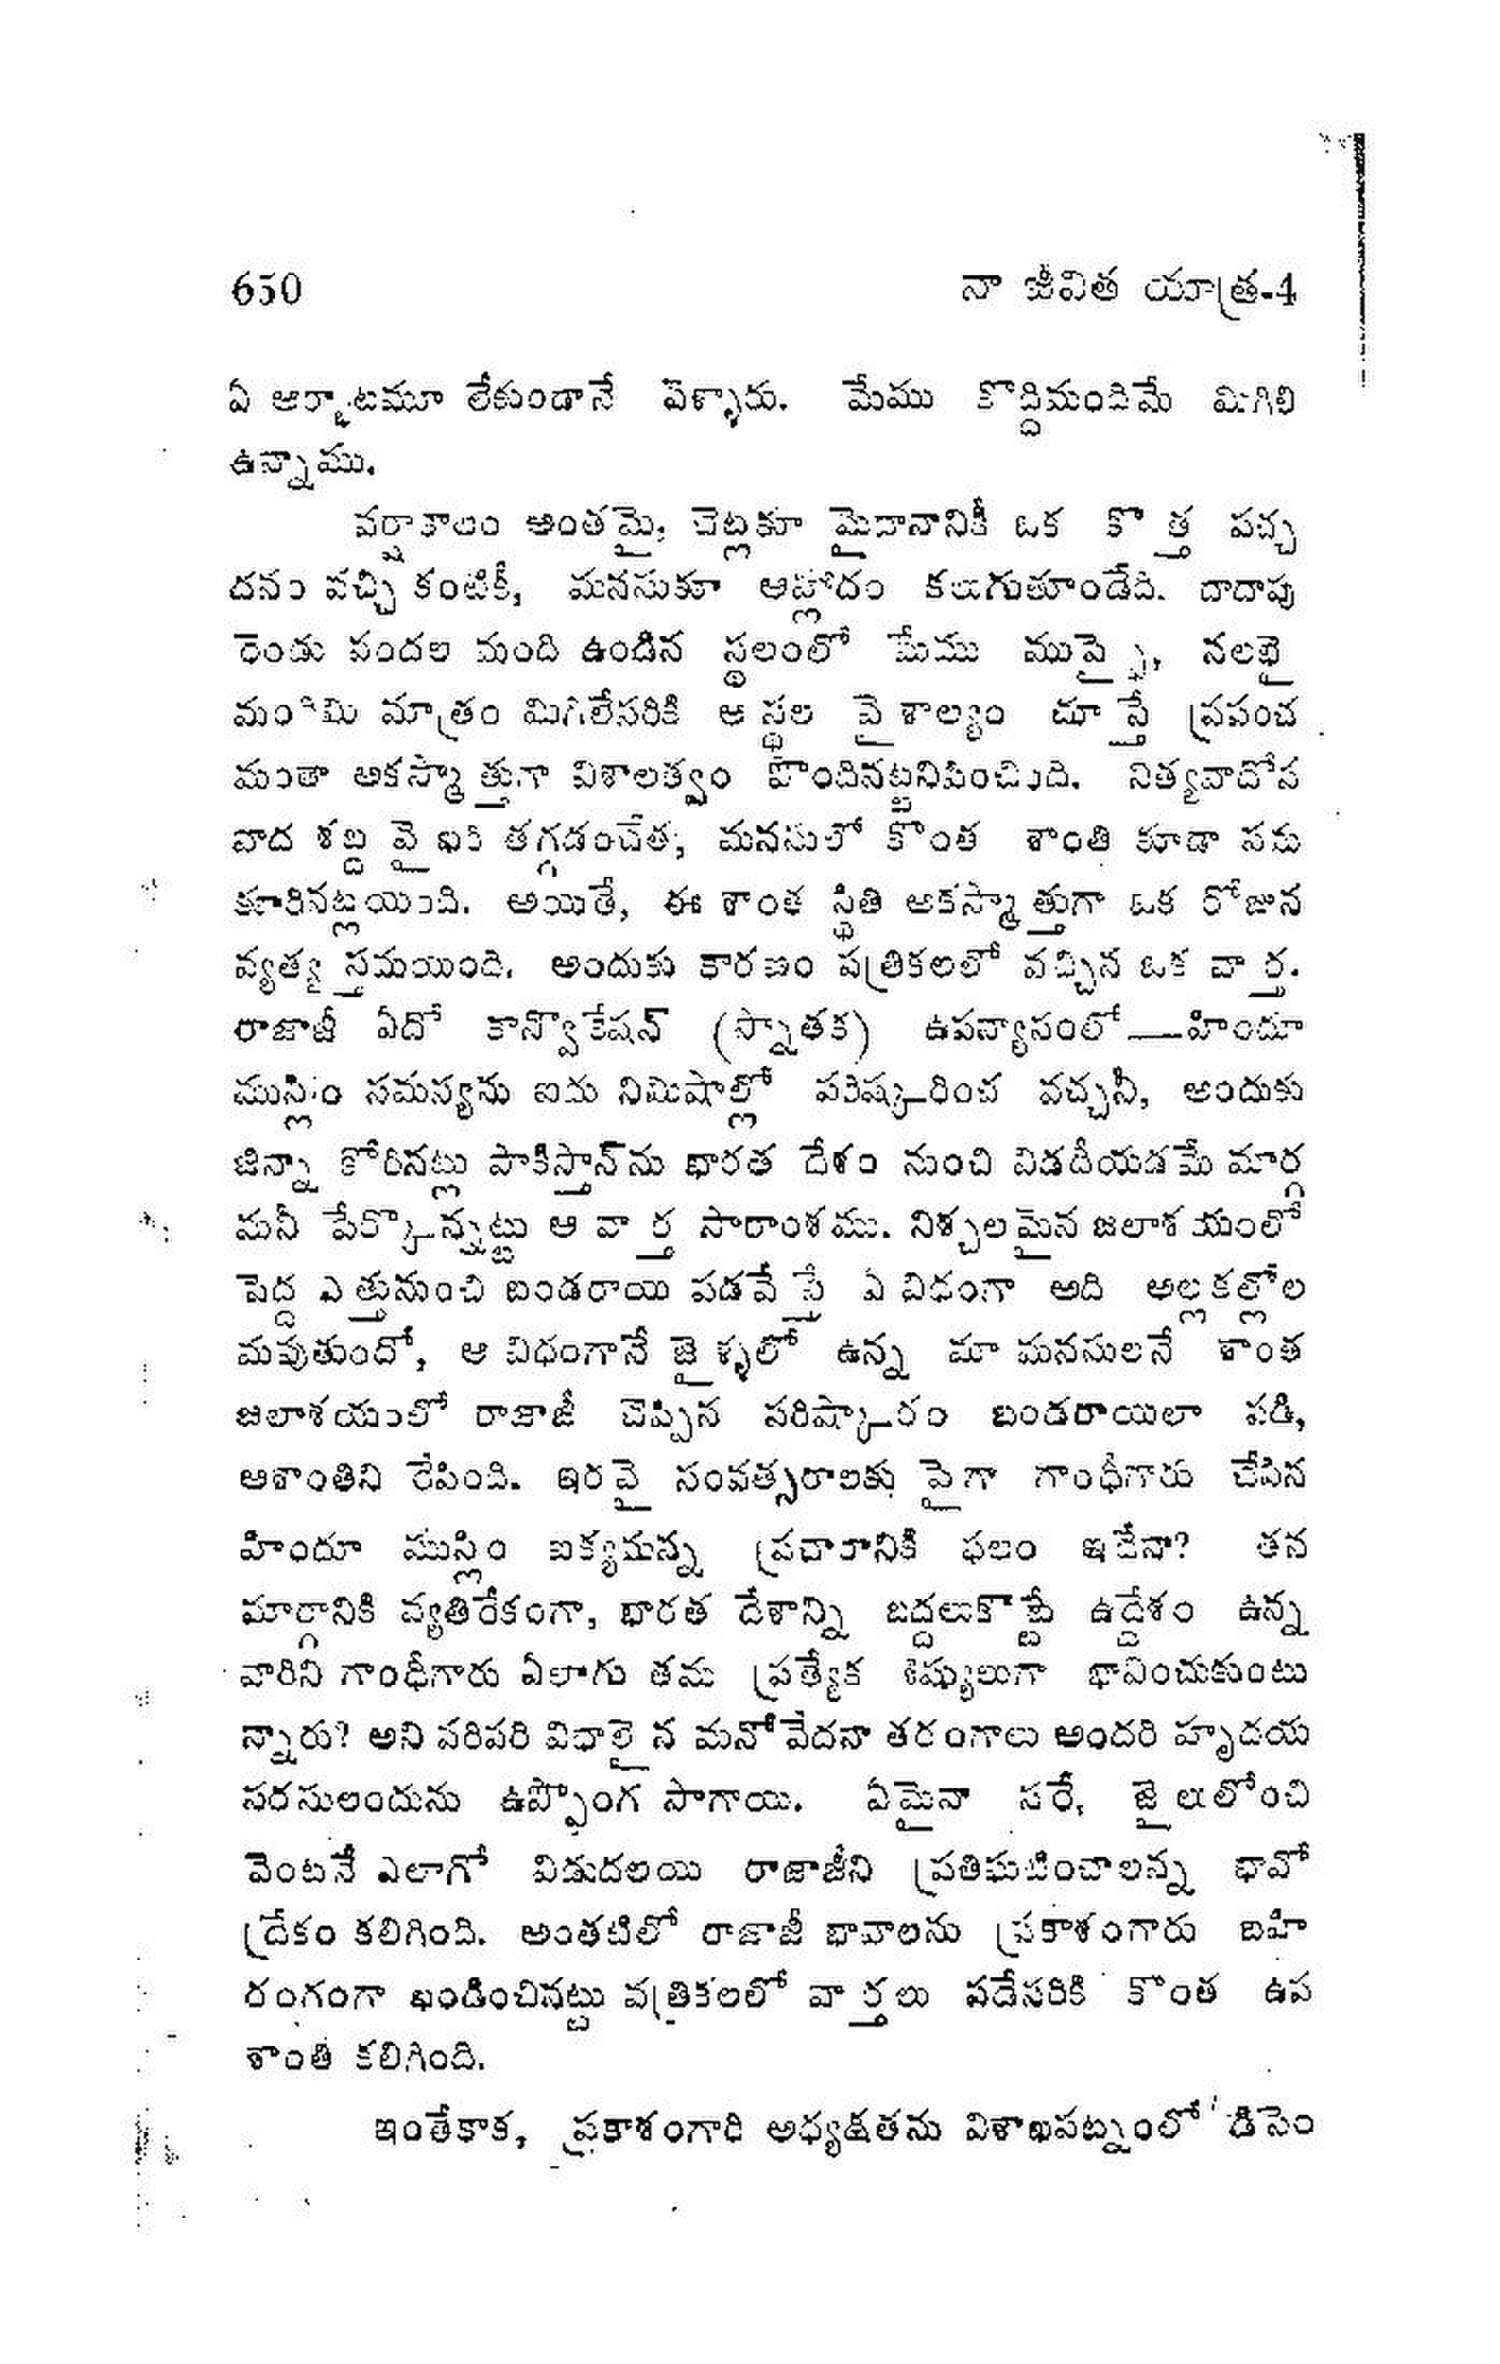ఏ ఆర్భాటమూ లేకుండానే వెళ్ళారు. మేము కొద్దిమందిమే మిగిలి ఉన్నాము.

వర్షాకాలం అంతమై, చెట్లకూ మైదానానికీ ఒక కొత్త పచ్చదనం వచ్చి కంటికీ, మనసుకూ ఆహ్లాదం కలుగుతూండేది. దాదాపు రెండు వందల మంది ఉండిన స్థలంలో మేము ముప్పై, నలభై మందిమి మాత్రం మిగిలేసరికి ఆ స్థల వైశాల్యం చూస్తే ప్రపంచమంతా అకస్మాత్తుగా విశాలత్వం పొందినట్టనిపించింది. నిత్యవాదోపవాద శబ్ద వైఖరి తగ్గడంచేత, మనసులో కొంత శాంతి కూడా సమకూరినట్లయింది. అయితే, ఈ శాంత స్థితి అకస్మాత్తుగా ఒక రోజున వ్యత్యస్తమయింది. అందుకు కారణం పత్రికలలోవచ్చిన ఒక వార్త. రాజాజీ ఏదో కాన్వొకేషన్ (స్నాతక) ఉపన్యాసంలో - హిందూ ముస్లిం సమస్యను ఐదు నిమిషాల్లో పరిష్కరించ వచ్చనీ, అందుకు జిన్నా కోరినట్లు పాకిస్తాన్‌ను భారత దేశం నుంచి విడదీయడమే మార్గమనీ పేర్కొన్నట్టు ఆ వార్త సారాంశము. నిశ్చలమైన జలాశయంలో పెద్ద ఎత్తునుంచి బండరాయి పడవేస్తే ఏ విధంగా అది అల్లకల్లోలమవుతుందో, ఆ విధంగానే జైళ్ళలో ఉన్న మా మనసులనే శాంత జలాశయంలో రాజాజీ చెప్పిన పరిష్కారం బండరాయిలా పడి, అశాంతిని రేపింది. ఇరవై సంవత్సరాలకు పైగా గాంధీగారు చేసిన హిందూ ముస్లిం ఐక్యమన్న ప్రచారానికి ఫలం ఇదేనా? తన మార్గానికి వ్యతిరేకంగా, భారత దేశాన్ని బద్దలుకొట్టే ఉద్దేశం ఉన్నవారిని గాంధీగారు ఏలాగు తమ ప్రత్యేక శిష్యులుగా భావించుకుంటున్నారు? అని పరిపరి విధాలైన మనోవేదనా తరంగాలు అందరి హృదయ సరసులందును ఉప్పొంగ సాగాయి. ఏమైనా సరే, జైలులోంచి వెంటనే ఎలాగో విడుదలయి రాజాజీని ప్రతిఘటించాలన్న భావోద్రేకం కలిగింది. అంతటిలో రాజాజీ భావాలను ప్రకాశంగారు బహిరంగంగా ఖండించినట్టు పత్రికలలో వార్తలు పడేసరికి కొంత ఉపశాంతి కలిగింది.

ఇంతేకాక, ప్రకాశంగారి అధ్యక్షతను విశాఖపట్నంలో డిసెం